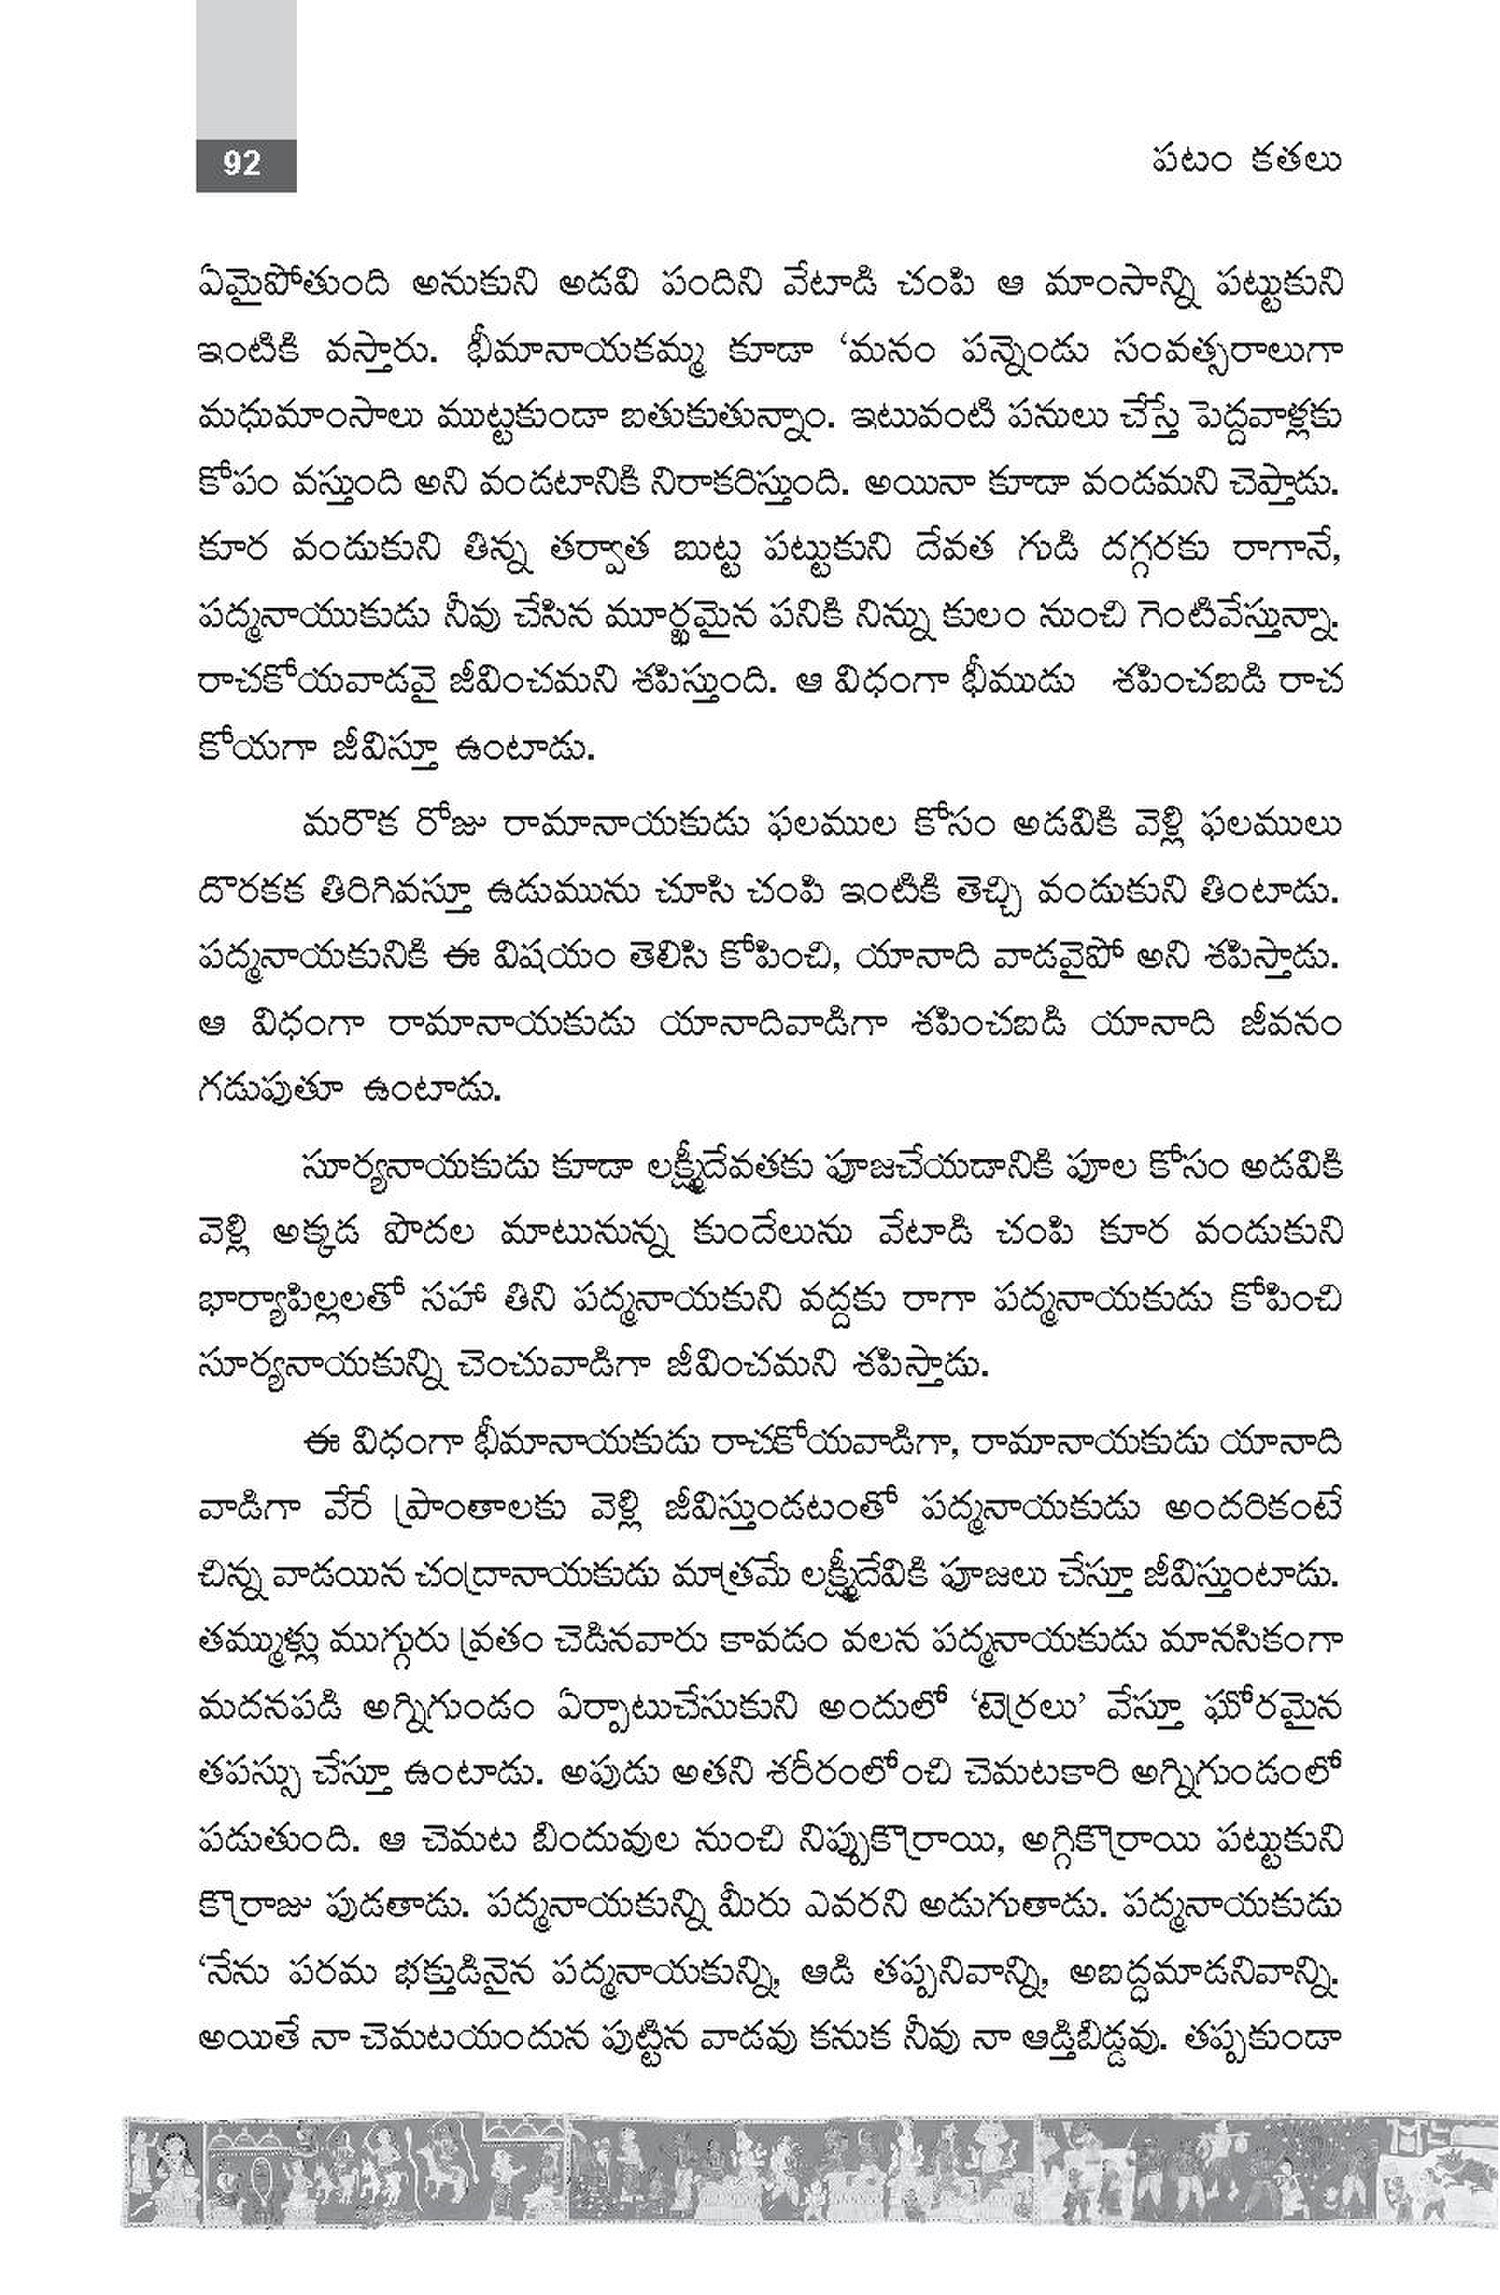ఏమైపోతుంది అనుకుని అడవి పందిని వేటాడి చంపి ఆ మాంసాన్ని పట్టుకుని ఇంటికి వస్తారు. భీమానాయకమ్మ కూడా 'మనం పన్నెండు సంవత్సరాలుగా మధుమాంసాలు ముట్టకుండా బతుకుతున్నాం. ఇటువంటి పనులు చేస్తే పెద్దవాళ్లకు
కోపం వస్తుంది అని వండటానికి నిరాకరిస్తుంది. అయినా కూడా వండమని చెప్తాడు. కూర వండుకుని తిన్న తర్వాత బుట్ట పట్టుకుని దేవత గుడి దగ్గరకు రాగానే, పద్మనాయుకుడు నీవు చేసిన మూర్ఖమైన పనికి నిన్ను కులం నుంచి గెంటివేస్తున్నా. రాచకోయవాడవై జీవించమని శపిస్తుంది. ఆ విధంగా భీముడు శపించబడి రాచ కోయగా జీవిస్తూ ఉంటాడు.

మరొక రోజు రామానాయకుడు ఫలముల కోసం అడవికి వెళ్లి ఫలములు దొరకక తిరిగివస్తూ ఉడుమును చూసి చంపి ఇంటికి తెచ్చి వండుకుని తింటాడు. పద్మనాయకునికి ఈ విషయం తెలిసి కోపించి, యానాది వాడవైపో అని శపిస్తాడు.
ఆ విధంగా రామానాయకుడు యానాదివాడిగా శపించబడి యానాది జీవనం గడుపుతూ ఉంటాడు.

సూర్యనాయకుడు కూడా లక్ష్మీదేవతకు పూజచేయడానికి పూల కోసం అడవికి వెళ్లి అక్కడ పొదల మాటునున్న కుందేలును వేటాడి చంపి కూర వండుకుని భార్యాపిల్లలతో సహా తిని పద్మనాయకుని వద్దకు రాగా పద్మనాయకుడు కోపించి సూర్యనాయకున్ని చెంచువాడిగా జీవించమని శపిస్తాడు.

ఈ విధంగా భీమానాయకుడు రాచకోయవాడిగా, రామానాయకుడు యానాది వాడిగా వేరే ప్రాంతాలకు వెళ్లి జీవిస్తుండటంతో పద్మనాయకుడు అందరికంటే చిన్న వాడయిన చంద్రానాయకుడు మాత్రమే లక్ష్మీదేవికి పూజలు చేస్తూ జీవిస్తుంటాడు.
తమ్ముళ్లు ముగ్గురు వ్రతం చెడినవారు కావడం వలన పద్మనాయకుడు మానసికంగా మదనపడి అగ్నిగుండం ఏర్పాటు చేసుకుని అందులో 'టెర్రలు' వేస్తూ ఘోరమైన తపస్సు చేస్తూ ఉంటాడు. అపుడు అతని శరీరంలోంచి చెమటకారి అగ్నిగుండంలో పడుతుంది. ఆ చెమట బిందువుల నుంచి నిప్పుకొర్రాయి, అగ్గికొర్రాయి పట్టుకుని కొర్రాజు పుడతాడు. పద్మనాయకున్ని మీరు ఎవరని అడుగుతాడు. పద్మనాయకుడు 'నేను పరమ భక్తుడినైన పద్మనాయకున్ని, అది తప్పనివాన్ని, అబద్ధమాదనివాన్ని. అయితే నా చెమటయందున పుట్టిన వాడవు కనుక నీవు నా ఆస్తిబిడ్డవు. తప్పకుండా